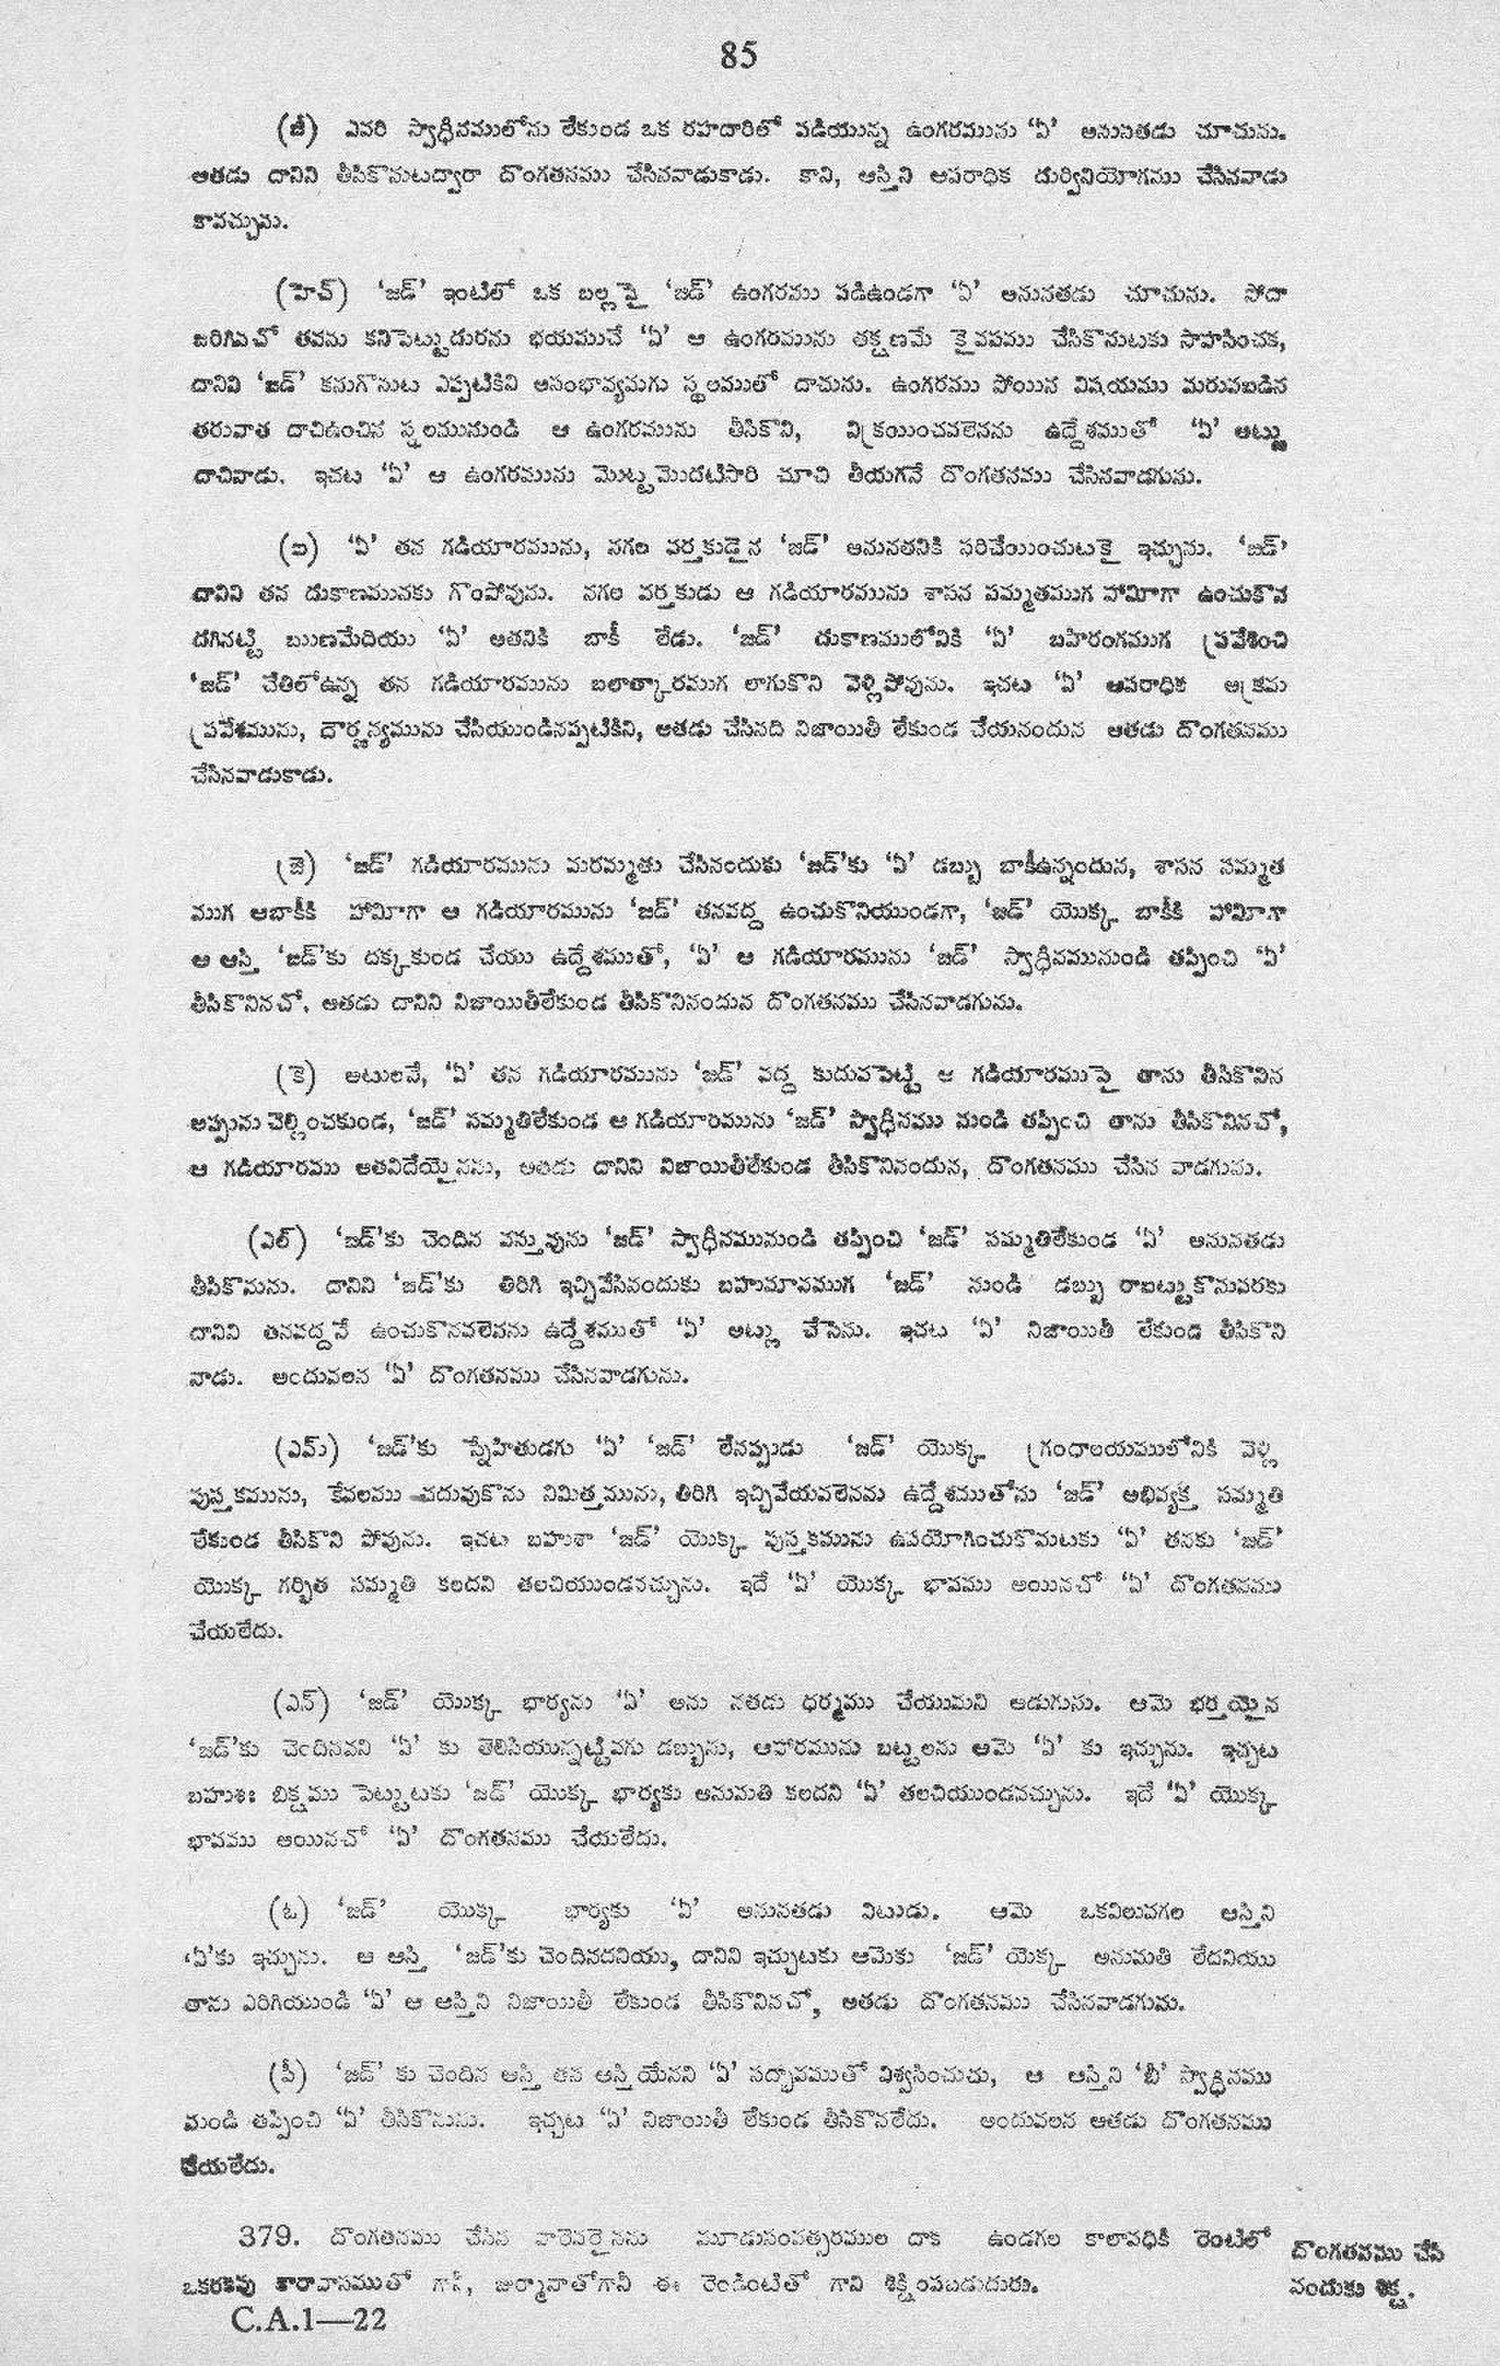(జీ) ఎవరి స్వాధీనములోను లేకుండ ఒక రహదారిలో పడియున్న ఉంగరమును 'ఏ' అనునతడు చూచును. ఆతడు దానిని తీసికొనుట ద్వారా దొంగతనము చేసినవాడుకాడు. కాని, ఆస్తిని అపరాధిక దుర్వినియోగము చేసినవాడు కావచ్చును.

(హెచ్) 'జడ్' ఇంటిలో ఒక బల్ల పై 'జడ్' ఉంగరము పడి ఉండగా 'ఏ' అనునతడు చూచును. సోదా జరిగినచో తనను కని పెట్టుదురను భయముచే 'ఏ' ఆ ఉంగరమును తక్షణమే కైవసము చేసికొనుటకు సాహసించక, దానిని 'జడ్' కనుగొనుట ఎప్పటికీని అసంభావ్యమగు స్థలములో దాచును. ఉంగరము పోయిన విషయము మరువబడిన తరువాత దాచిఉంచిన స్థలమునుండి ఆ ఉంగరమును తీసికొని, విక్రయించవలెనను ఉద్దేశముతో 'ఏ' అట్టు దాచివాడు, ఇచట 'ఏ' ఆ ఉంగరమును మొట్టమొదటిసారి చూచి తీయగనే దొంగతనము చేసినవాడగును.

(ఐ) 'ఏ' తన గడియారమును, నగల వర్తకుడైన 'జడ్' అనునతనికి సరిచేయించుటకై ఇచ్చును. 'జడ్' దానిని తన దుకాణమునకు గొంపోవును. నగల వర్తకుడు ఆ గడియారమును శాసన సమ్మతముగ హామీగా ఉంచుకొనదగినట్టి ఋణమేదియు 'ఏ' అతనికి బాకీ లేడు. 'జడ్' దుకాణములోనికి 'ఏ' బహిరంగముగ ప్రవేశించి 'జడ్' చేతిలో ఉన్న తన గడియారమును బలాత్కారముగ లాగుకొని వెళ్లిపోవును. ఇచట 'ఏ' అపరాధిక అక్రమ ప్రవేశమును, దౌర్జన్యమును చేసియుండినప్పటికిని, అతడు చేసినది నిజాయితీ లేకుండ చేయనందున ఆతడు దొంగతనము చేసినవాడు కాడు.

(జె) 'జడ్' గడియారమును మరమ్మతు చేసినందుకు 'జడ్'కు 'ఏ' డబ్బు బాకీఉన్నందున, శాసన సమ్మతముగ ఆబాకీకి
హామీగా ఆ గడియారమును 'జడ్' తనవద్ద ఉంచుకొనియుండగా, 'జడ్' యొక్క, బాకీకి హామీగా ఆ ఆస్తి 'జడ్'కు దక్కకుండ చేయు ఉద్దేశముతో, 'ఏ' ఆ గడియారమును 'జడ్' స్వాధీనము నుండి తప్పించి 'ఏ' తీసికొనినచో, అతడు దానిని నిజాయితీలేకుండ తీసికొనినందున దొంగతనము చేసినవాడగును.

(కె) అటులనే, 'ఏ' తన గడియారమును 'జడ్' వద్ద కుదువ పెట్టి ఆ గడియారము పై తాను తీసికొనిన అప్పును చెల్లించకుండ, 'జడ్' సమ్మతి లేకుండ ఆ గడియారమును “జడ్' స్వాధీనము నుండి తప్పించి తాను తీసికొనినచో, ఆ గడియారము అతవిదేయైనను, ఆతడు దానిని నిజాయితీ లేకుండ తీసికొనినందున, దొంగతనము చేసిన వాడగును.

(ఎల్) 'జడ్'కు చెందిన వస్తువును 'జడ్' స్వాధీనము నుండి తప్పించి 'జడ్' సమ్మతి లేకుండ 'ఏ' అనునతడు తీసికొనను. దానిని 'జడ్'కు తిరిగి ఇచ్చి వేసినందుకు బహుమానముగ 'జడ్' నుండి డబ్బు రాబట్టు కొనువరకు దానిని తనవద్ద నే ఉంచుకొనవలెనను ఉద్దేశముతో 'ఏ' అట్లు చేసెను. ఇచట 'ఏ' నిజాయితీ లేకుండా తీసికొనినాడు. అందువలన 'ఏ' దొంగతనము చేసినవాడగును.

(ఎమ్) 'జడ్'కు స్నేహితుడగు 'ఏ' 'జడ్' లేనప్పుడు 'జడ్' యొక్క గ్రంధాలయములోనికి వెళ్లి పుస్త కమును, కేవలము చదువుకొను నిమిత్తమును, తిరిగి ఇచ్చివేయవలెనను ఉద్దేశముతోను 'జడ్' అభివ్యక్త సమ్మతి లేకుండ తీసికొని పోవును. ఇచట బహుశా 'జడ్' యొక్క పుస్తకమును ఉపయోగించుకొనుటకు 'ఏ' తనకు 'జడ్' యొక్క గర్భిత సమ్మతి కలదని తలచియుండవచ్చును. ఇదే 'ఏ' యొక్క భావము అయినచో 'ఏ' దొంగతనము చేయలేదు.

(ఎస్) 'జడ్' యొక్క భార్యను 'ఏ' అను నతడు ధర్మము చేయుమని అడుగుసు. ఆమె భర్త యైన 'జడ్'కు చెందినవని 'ఏ' కు తెలిసియున్నట్టి వగు డబ్బును, ఆహారమును బట్టలను ఆమె 'ఏ' కు ఇచ్చును. ఇచ్చట బహుశః బిక్షము పెట్టుటకు 'జడ్' యొక్క భార్యకు అనుమతి కలదని “ఏ' తలచియుండవచ్చును. ఇదే 'ఏ' యొక్క భావము అయినచో ఏ దొంగతనము చేయలేదు.

(ఓ) 'జడ్' యొక్క భార్యకు 'ఏ' అనునతడు విటుడు. ఆమె ఒకవిలువగల ఆస్తిని 'ఏ'కు ఇచ్చును. ఆ ఆస్తి 'జడ్'కు చెందినదనియు, దానిని ఇచ్చుటకు ఆమెకు 'జడ్' యెక్క అనుమతి లేదనియు తాను ఎరిగియుండి 'ఏ' ఆ ఆస్తిని నిజాయితీ లేకుండ తీసికొనిన చో, అతడు దొంగతనము చేసినవాడగును.

(పీ) 'జడ్' కు చెందిన ఆస్తి తన ఆస్తి యేనని 'ఏ' సద్భావముతో విశ్వసించుచు, ఆ ఆస్తిని 'బీ' స్వాధీనము నుండి తప్పించి 'ఏ' తీసికొనును. ఇచ్చట 'ఏ' నిజాయితి లేకుండ తీసికొనలేదు. అందువలన అతడు దొంగతనము చేయలేదు.

దొంగతనము చేసి నందుకు శిక్ష,

379. . దొంగతనము చేసిన వారెవరైనను మూడు సంవత్సరముల దాక ఉండగల కాలావధికి రెంటిలో ఒకరకవు కారావాసముతో గాని, జుర్మానాతో గానీ ఈ రెండింటితో గాని శిక్షింపబడుదురు.